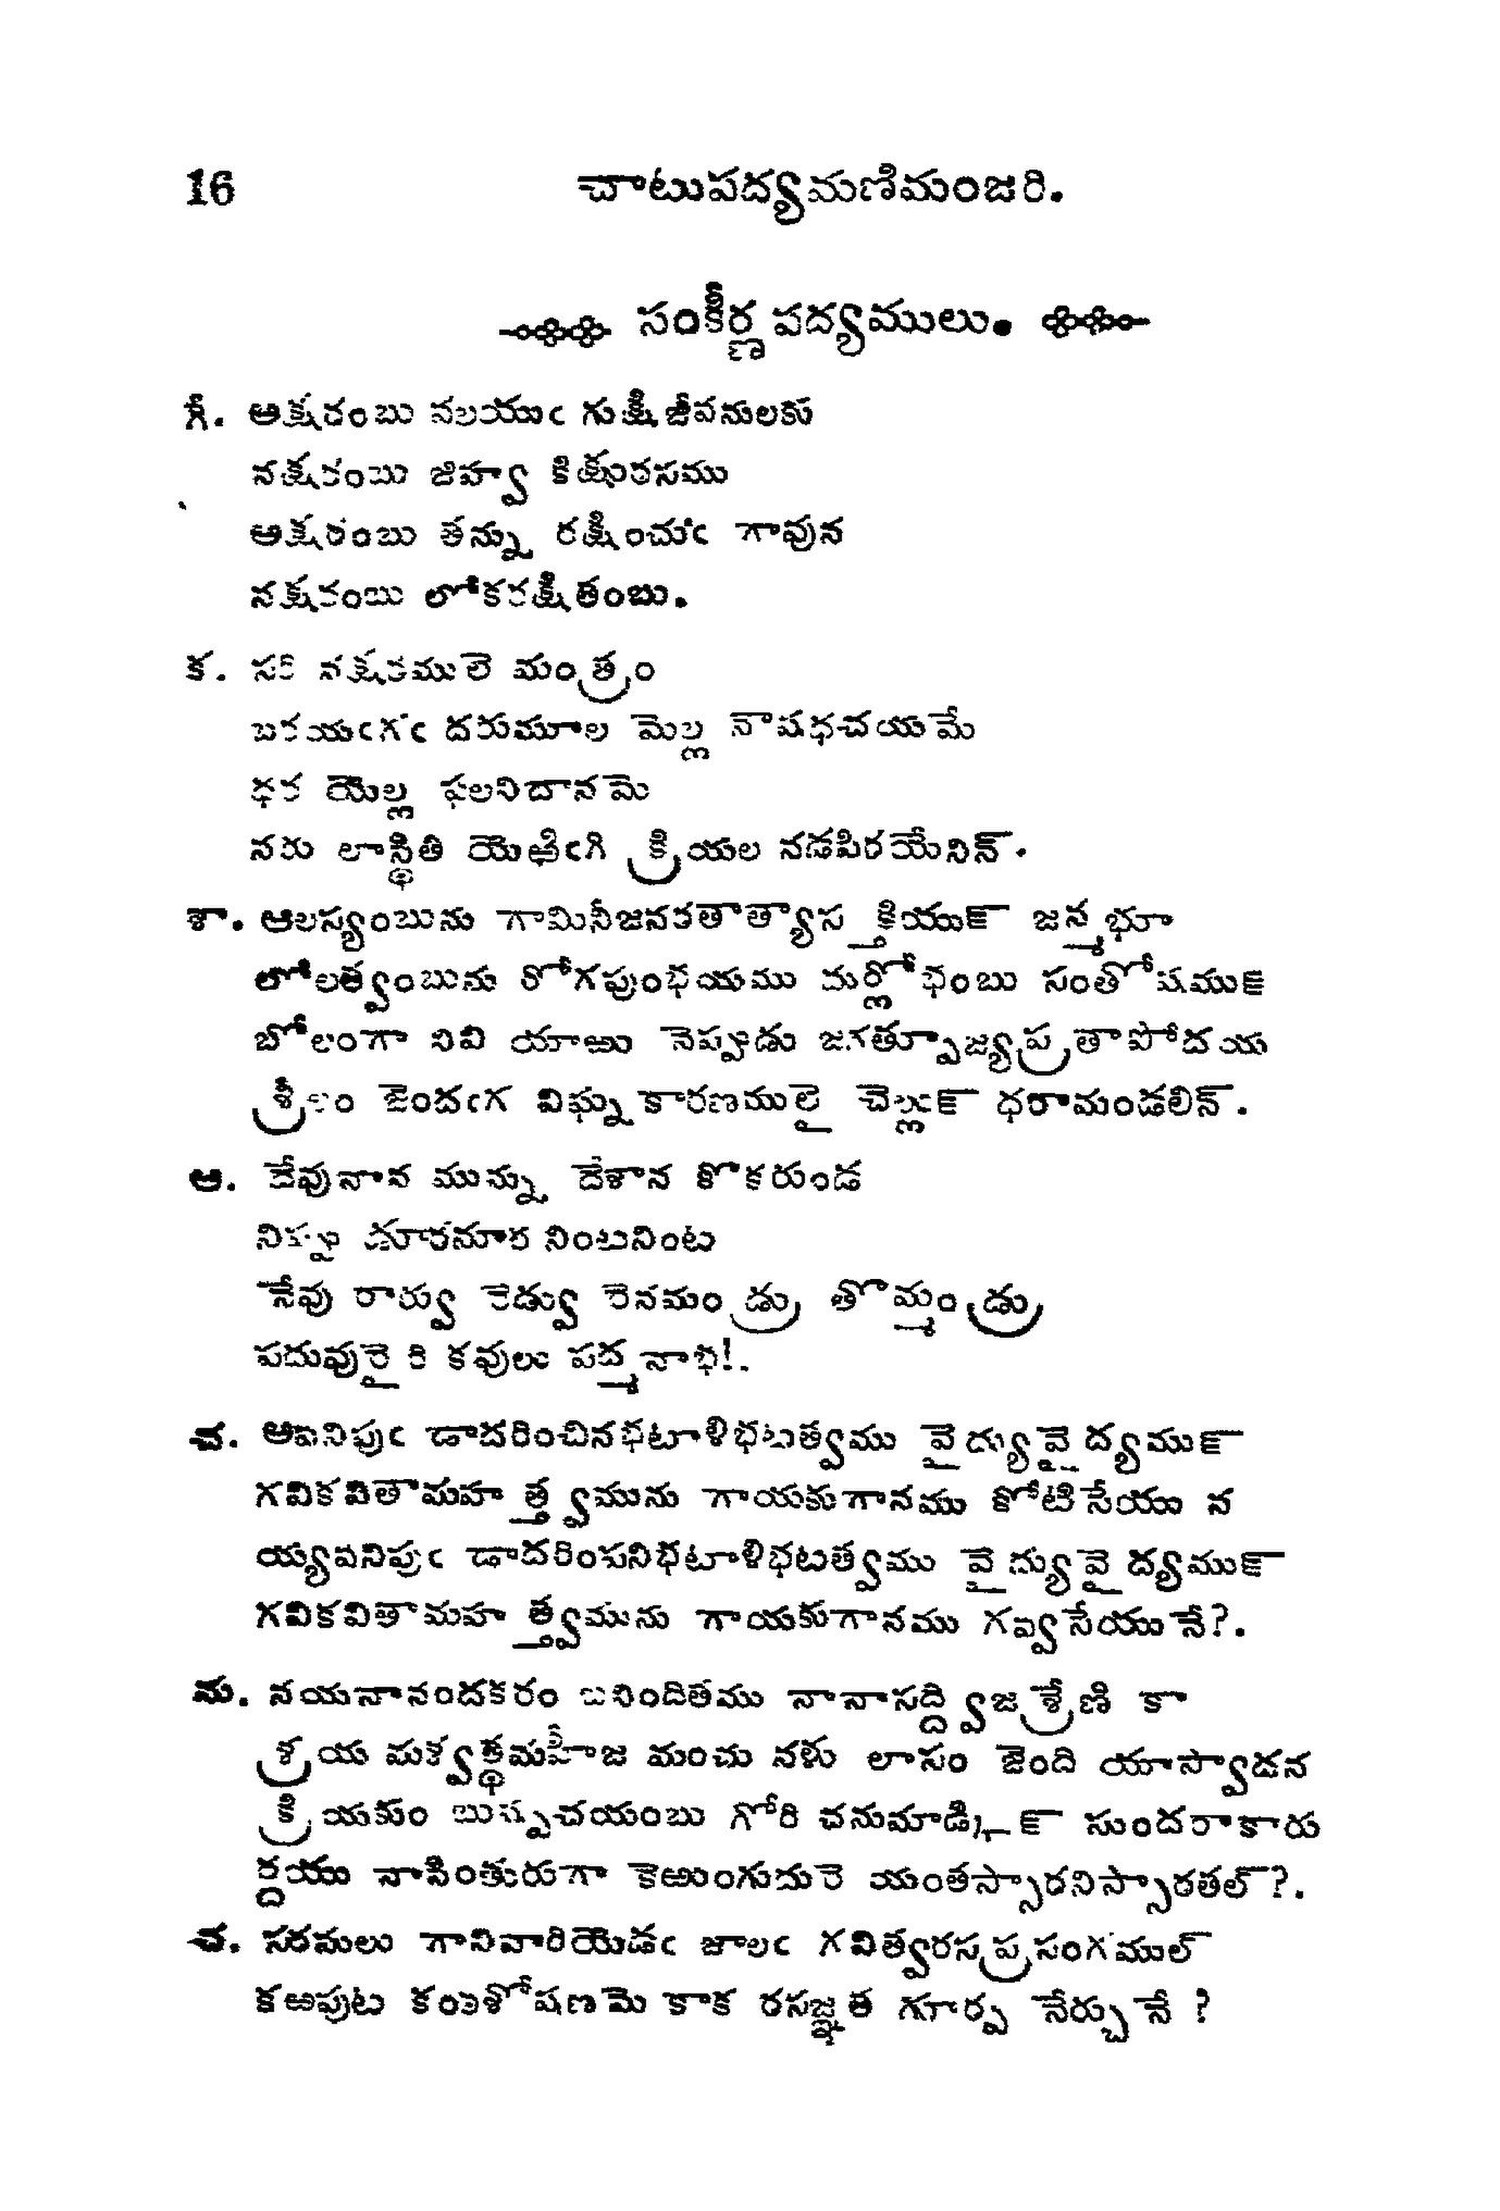గీ. అక్షరంబు వలయుఁ గుక్షిజీవనులకు
 నక్షరంబు జిహ్వ కిక్షురసము
 అక్షరంబు తన్ను రక్షించుఁ గావున
 నక్షరంబు లోకరక్షితంబు.
క. సరి నక్షరములె మంత్రం
 బరయఁగఁ దరుమూల మెల్ల నౌషధచయమే
 ధర యెల్ల ఫలనిదానమె
 నరు లాస్థితి యెఱిఁగి క్రియన నడపిరయేనిన్.
శా. ఆలస్యంబును గామినీజనరతాత్యాసక్తియున్ జన్మభూ
 లోలత్వంబును రోగపుంభయము దుర్లోభంబు సంతోషమున్
 బోలంగా నివి యాఱు నెప్పుడు జగత్పూజ్యప్రతాపోదయ
 శ్రీలం జెందఁగ విఘ్నకారణములై చెల్లున్ ధరామండలిన్.
ఆ. దేవునాన మున్ను దేశాన కొకరుండ
 నిప్పు డూరనూర నింటనింట
 నేవు రార్గు రేడ్వు రెనమండ్రు తొమ్మండ్రు
 పదువురైరి కవులు పద్మనాభ!
చ. అవనిపుఁ డాదరించిన భటాళిభటత్వము వైద్యువైద్యమున్
 గవికవితామహత్త్వమును గాయకుగానము కోటిసేయు న
 య్యవనిపుఁ డాదరింపని భటాళిభటిత్వము వైద్యువైద్యమున్
 గవికవితామహత్త్వమును గాయకుగానము గవ్వసేయునే?
మ. నయనానందకరం బనిందితము నానాసద్ద్విదశ్రేణి కా
 శ్రయ మశ్వత్థమహీజ మంచు నళు లాసం జెంది యాస్వాదన
 క్రియకుం బుష్పచయంబు గోరి చనుమాడ్కిన్ సుందరాకారు ని
 ర్దయు నాసింతురుగా కెఱుంగుదురె యంతస్సారనిస్సారతల్?
చ. సరసులు గానివారియెడఁ జాలఁ గవిత్వప్రసంగముల్
 కఱపుట కంఠశోషణమె కాక రసజ్ఞత గూర్ప నేర్చునే?